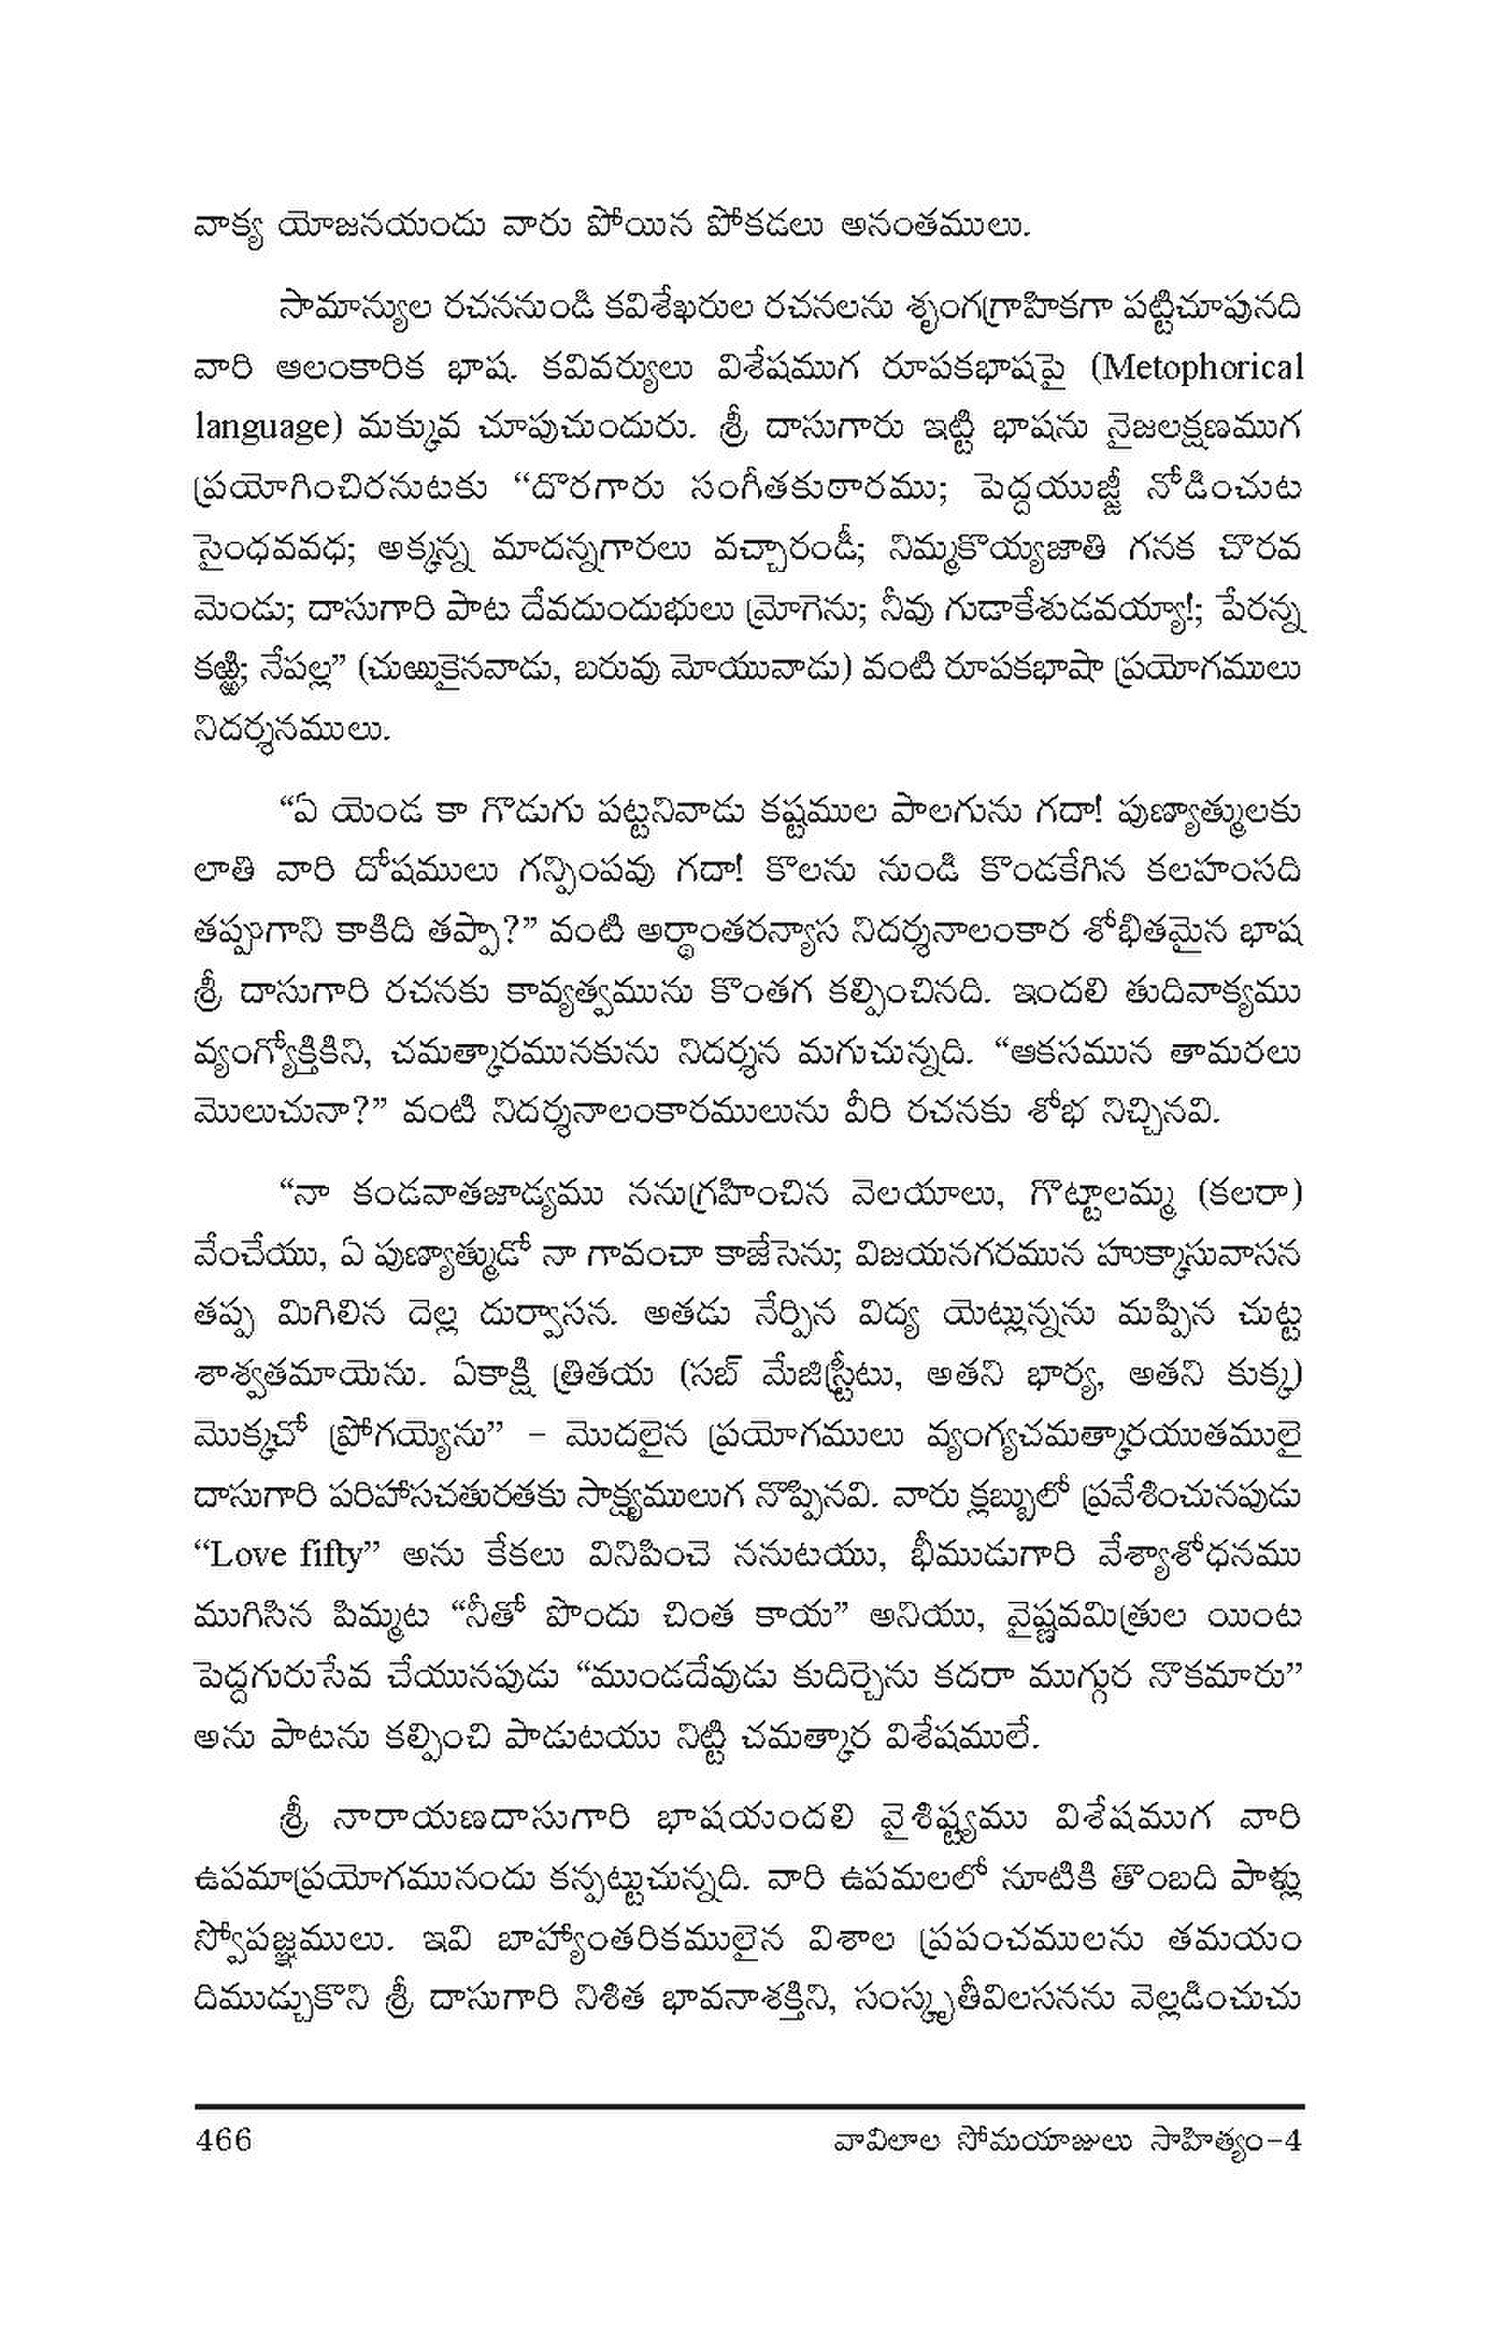వాక్య యోజనయందు వారు పోయిన పోకడలు అనంతములు.

సామాన్యుల రచననుండి కవిశేఖరుల రచనలను శృంగగ్రాహికగా పట్టిచూపునది
వారి అలంకారిక భాష. కవివర్యులు విశేషముగ రూపకభాషపై (Metophorical
language) మక్కువ చూపుచుందురు. శ్రీ దాసుగారు ఇట్టి భాషను నైజలక్షణముగ
ప్రయోగించిరనుటకు "దొరగారు సంగీతకుఠారము; పెద్దయుజ్జీ నోడించుట
సైంధవవధ; అక్కన్న మాదన్నగారలు వచ్చారండీ; నిమ్మకొయ్యజాతి గనక చొరవ
మెండు; దాసుగారి పాట దేవదుందుభులు మ్రోగెను; నీవు గుడాకేశుడవయ్యా!; పేరన్న
కట్టి; నేపల్ల” (చుఱుకైనవాడు, బరువు మోయువాడు) వంటి రూపకభాషా ప్రయోగములు
నిదర్శనములు.

“ఏ యెండ కా గొడుగు పట్టనివాడు కష్టముల పాలగును గదా! పుణ్యాత్ములకు
లాతి వారి దోషములు గన్నింపవు గదా! కొలను నుండి కొండకేగిన కలహంసది
తప్పుగాని కాకిది తప్పా?" వంటి అర్థాంతరన్యాస నిదర్శనాలంకార శోభితమైన భాష
శ్రీ దాసుగారి రచనకు కావ్యత్వమును కొంతగ కల్పించినది. ఇందలి తుదివాక్యము
వ్యంగ్యోక్తికిని, చమత్కారమునకును నిదర్శన మగుచున్నది. "ఆకసమున తామరలు
మొలుచునా?" వంటి నిదర్శనాలంకారములును వీరి రచనకు శోభ నిచ్చినవి.

“నా కండవాతజాడ్యము ననుగ్రహించిన వెలయాలు, గొట్టాలమ్మ (కలరా)
వేంచేయు, ఏ పుణ్యాత్ముడో నా గావంచా కాజేసెను; విజయనగరమున హుక్కాసువాసన
తప్ప మిగిలిన దెల్ల దుర్వాసన. అతడు నేర్పిన విద్య యెట్లున్నను మప్పిన చుట్ట
శాశ్వతమాయెను. ఏకాక్షి త్రితయ (సబ్ మేజిస్ట్రీటు, అతని భార్య, అతని కుక్క)
మొక్కచో ప్రోగయ్యెను” - మొదలైన ప్రయోగములు వ్యంగ్యచమత్కారయుతములై
దాసుగారి పరిహాసచతురతకు సాక్ష్యములుగ నొప్పినవి. వారు క్లబ్బులో ప్రవేశించునపుడు
“Love fifty” అను కేకలు వినిపించె ననుటయు, భీముడుగారి వేశ్యాశోధనము
ముగిసిన పిమ్మట "నీతో పొందు చింత కాయ" అనియు, వైష్ణవమిత్రుల యింట
పెద్దగురుసేవ చేయునపుడు "ముండదేవుడు కుదిర్చెను కదరా ముగ్గుర నొకమారు”
అను పాటను కల్పించి పాడుటయు నిట్టి చమత్కార విశేషములే.

శ్రీ నారాయణదాసుగారి భాషయందలి వైశిష్ట్యము విశేషముగ వారి
ఉపమాప్రయోగమునందు కన్పట్టుచున్నది. వారి ఉపమలలో నూటికి తొంబది పాళ్లు
స్వోపజ్ఞములు. ఇవి బాహ్యాంతరికములైన విశాల ప్రపంచములను తమయం
దిముడ్చుకొని శ్రీ దాసుగారి నిశిత భావనాశక్తిని, సంస్కృతీవిలసనను వెల్లడించుచు